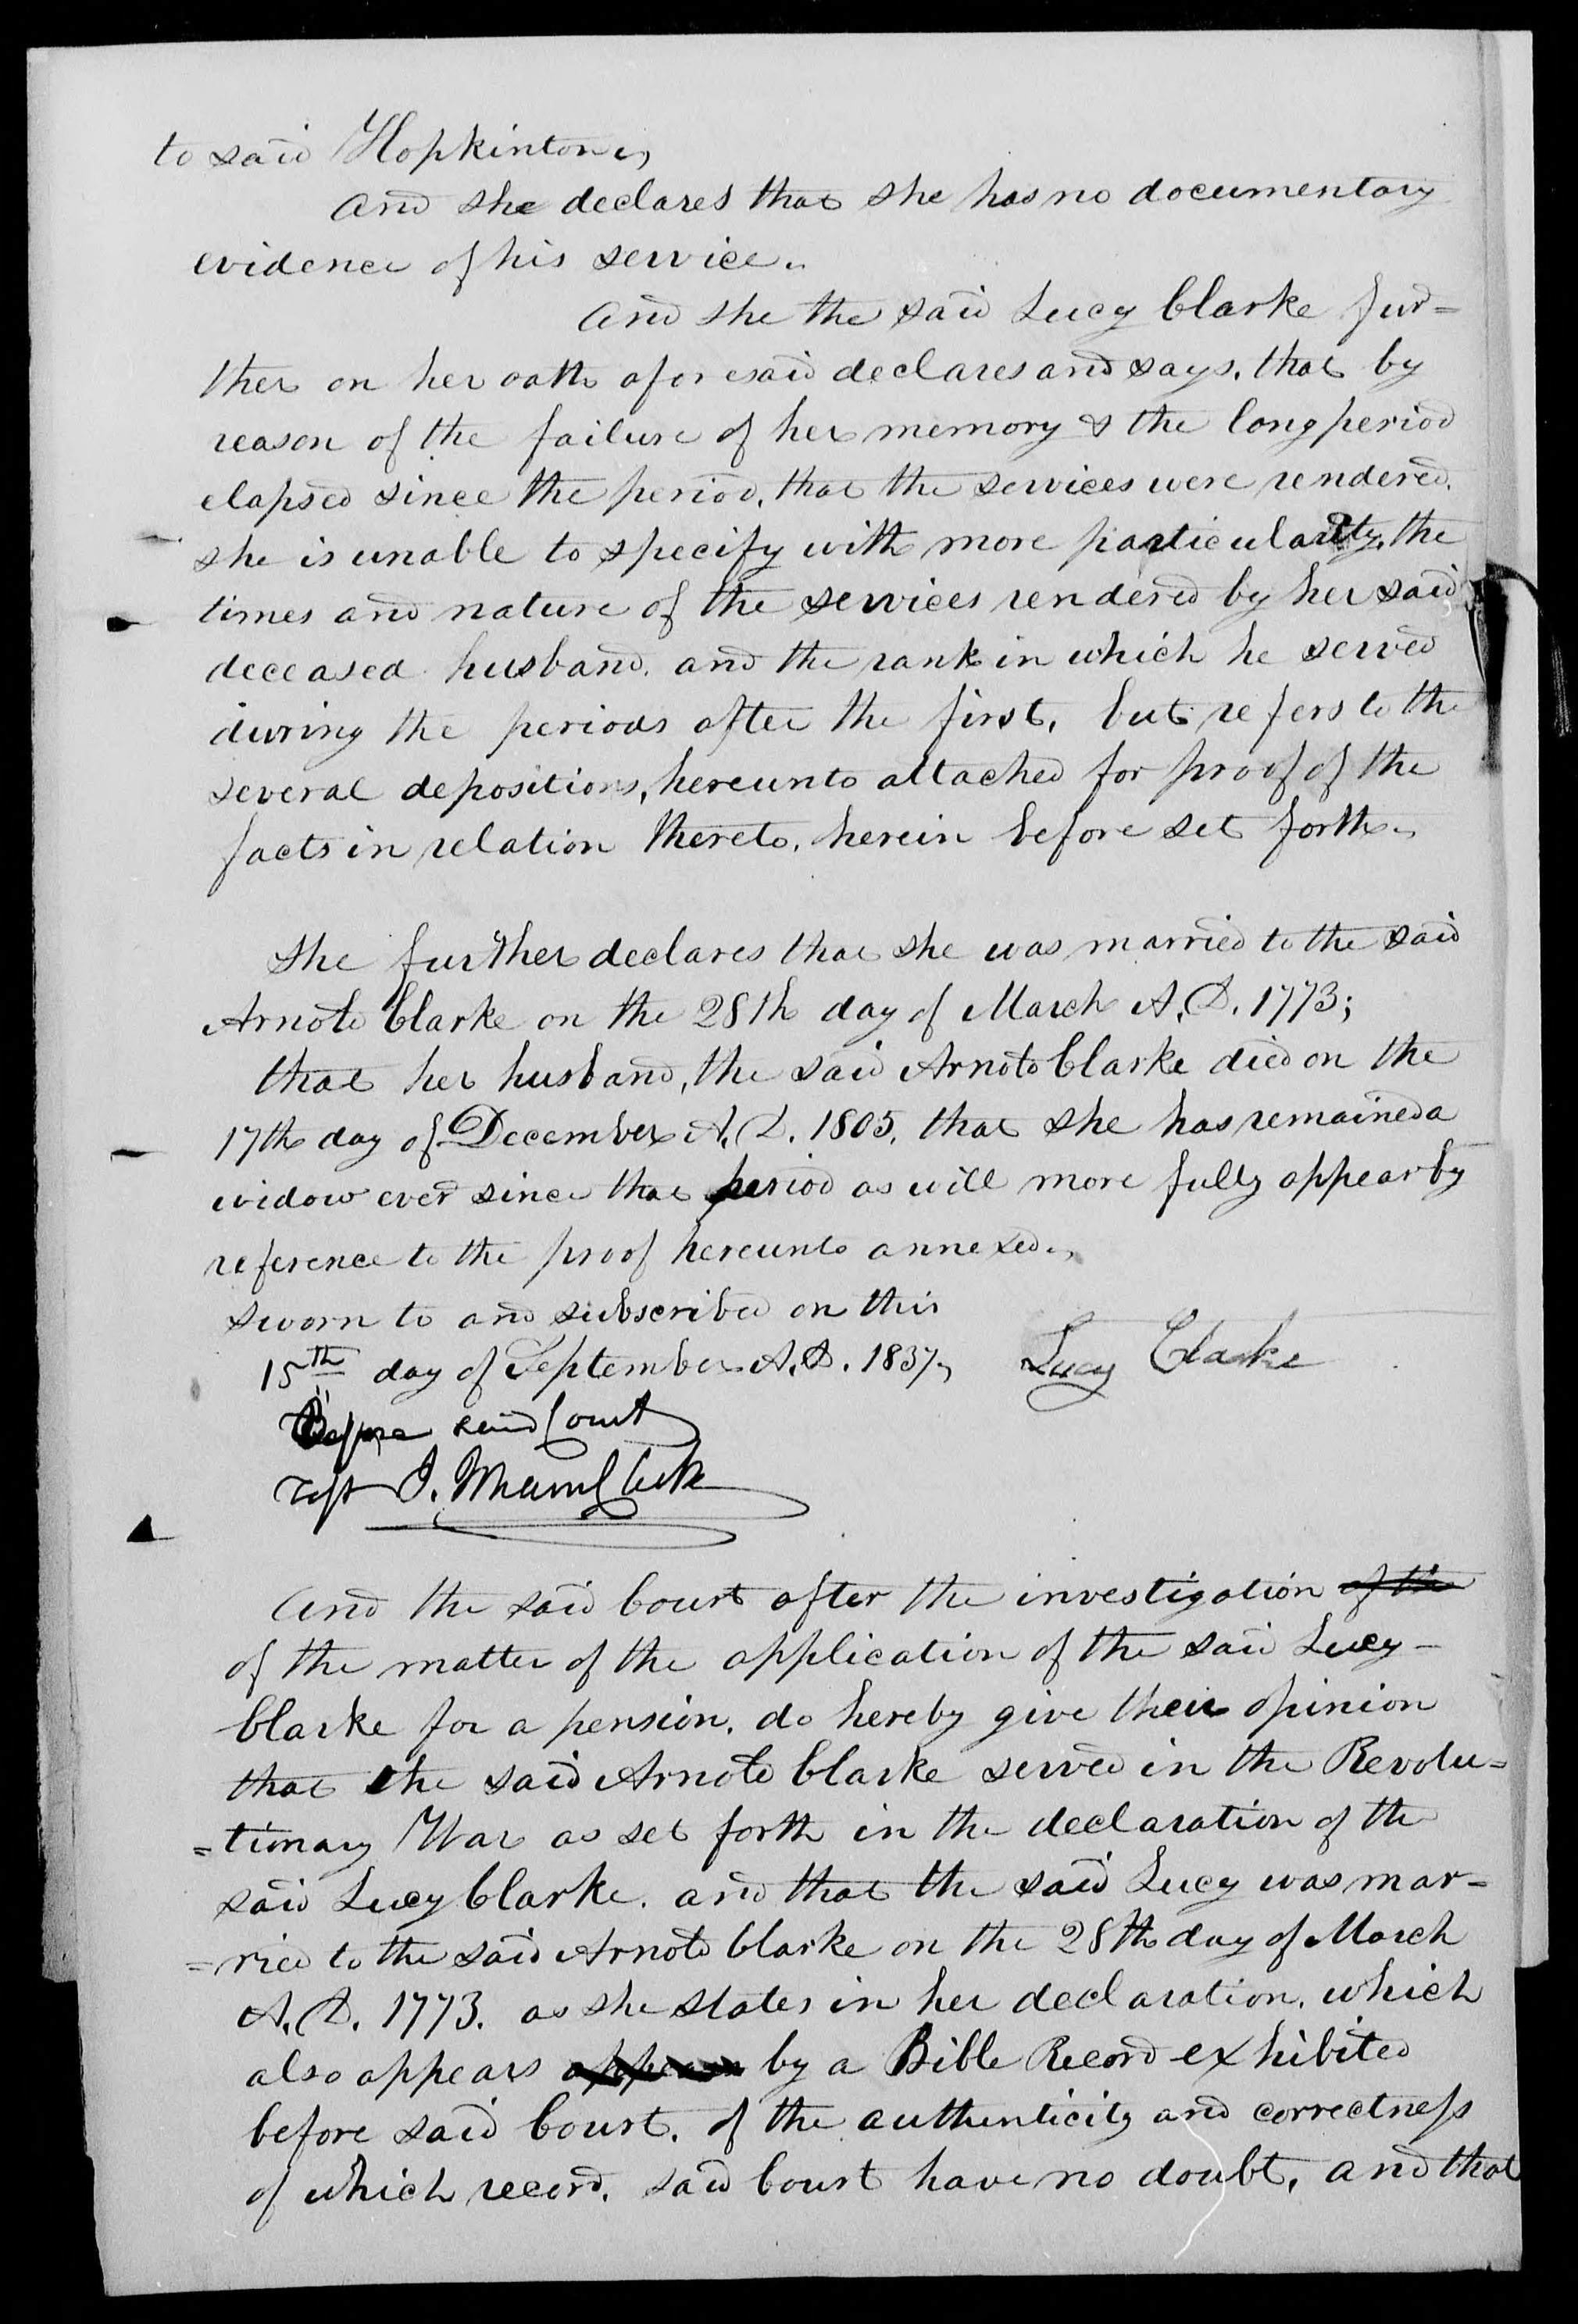to said Hopkinton, and she declares that she has no documentary evidence of his service.
And she the said Lucy Clarke further on her oath aforesaid declares and says, that by reason of the failure of her memory & the long period elapse since the period that the services were rendered, she is unable to specify with more particularity the times and nature of the services rendered by her said deceased husband and the rank in which he served during the periods after the first, but refers to the several depositions, hereunto attached for proof of the facts in relation thereto, herein before set forth.
She further declares that she was married to the said Arnold Clarke on the 28th day of March A.D. 1773; that her husband, the said Arnold Clarke died on the 17th day of December A.D. 1805, that she has remained widow ever since that period as will more fully appear by reference to the proof hereunto annexed.
Lucy Clarke

Sworn to and subscribed on this 15th day of September A.D. 1837, before said Court
[illegible] J. Joham Clk

And the said Court after the investigation of the matter of the application of the said Lucy Clarke for a pension, do hereby give their opinion that the said Arnold Clarke served in the Revolutionary War as set forth in the declaration of the said Lucy Clarke, and that the said Lucy was married to the said Arnold Clarke on the 28th day of March A.D. 1773, as she states in her declaration, which also appears by a Bible Record exhibited before said Court of the authenticity and correctness of which record said Court have no doubt, and that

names: Arnold Clarke, Lucy Clarke, Lucy Clarke, J Joham, Arnold Clarke, Lucy Clarke, Lucy, Arnold Clarke, Arnold Clarke, Lucy Clarke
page: 5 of 48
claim: widow's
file: W. 17,628, Arnold Clarke, R.I.